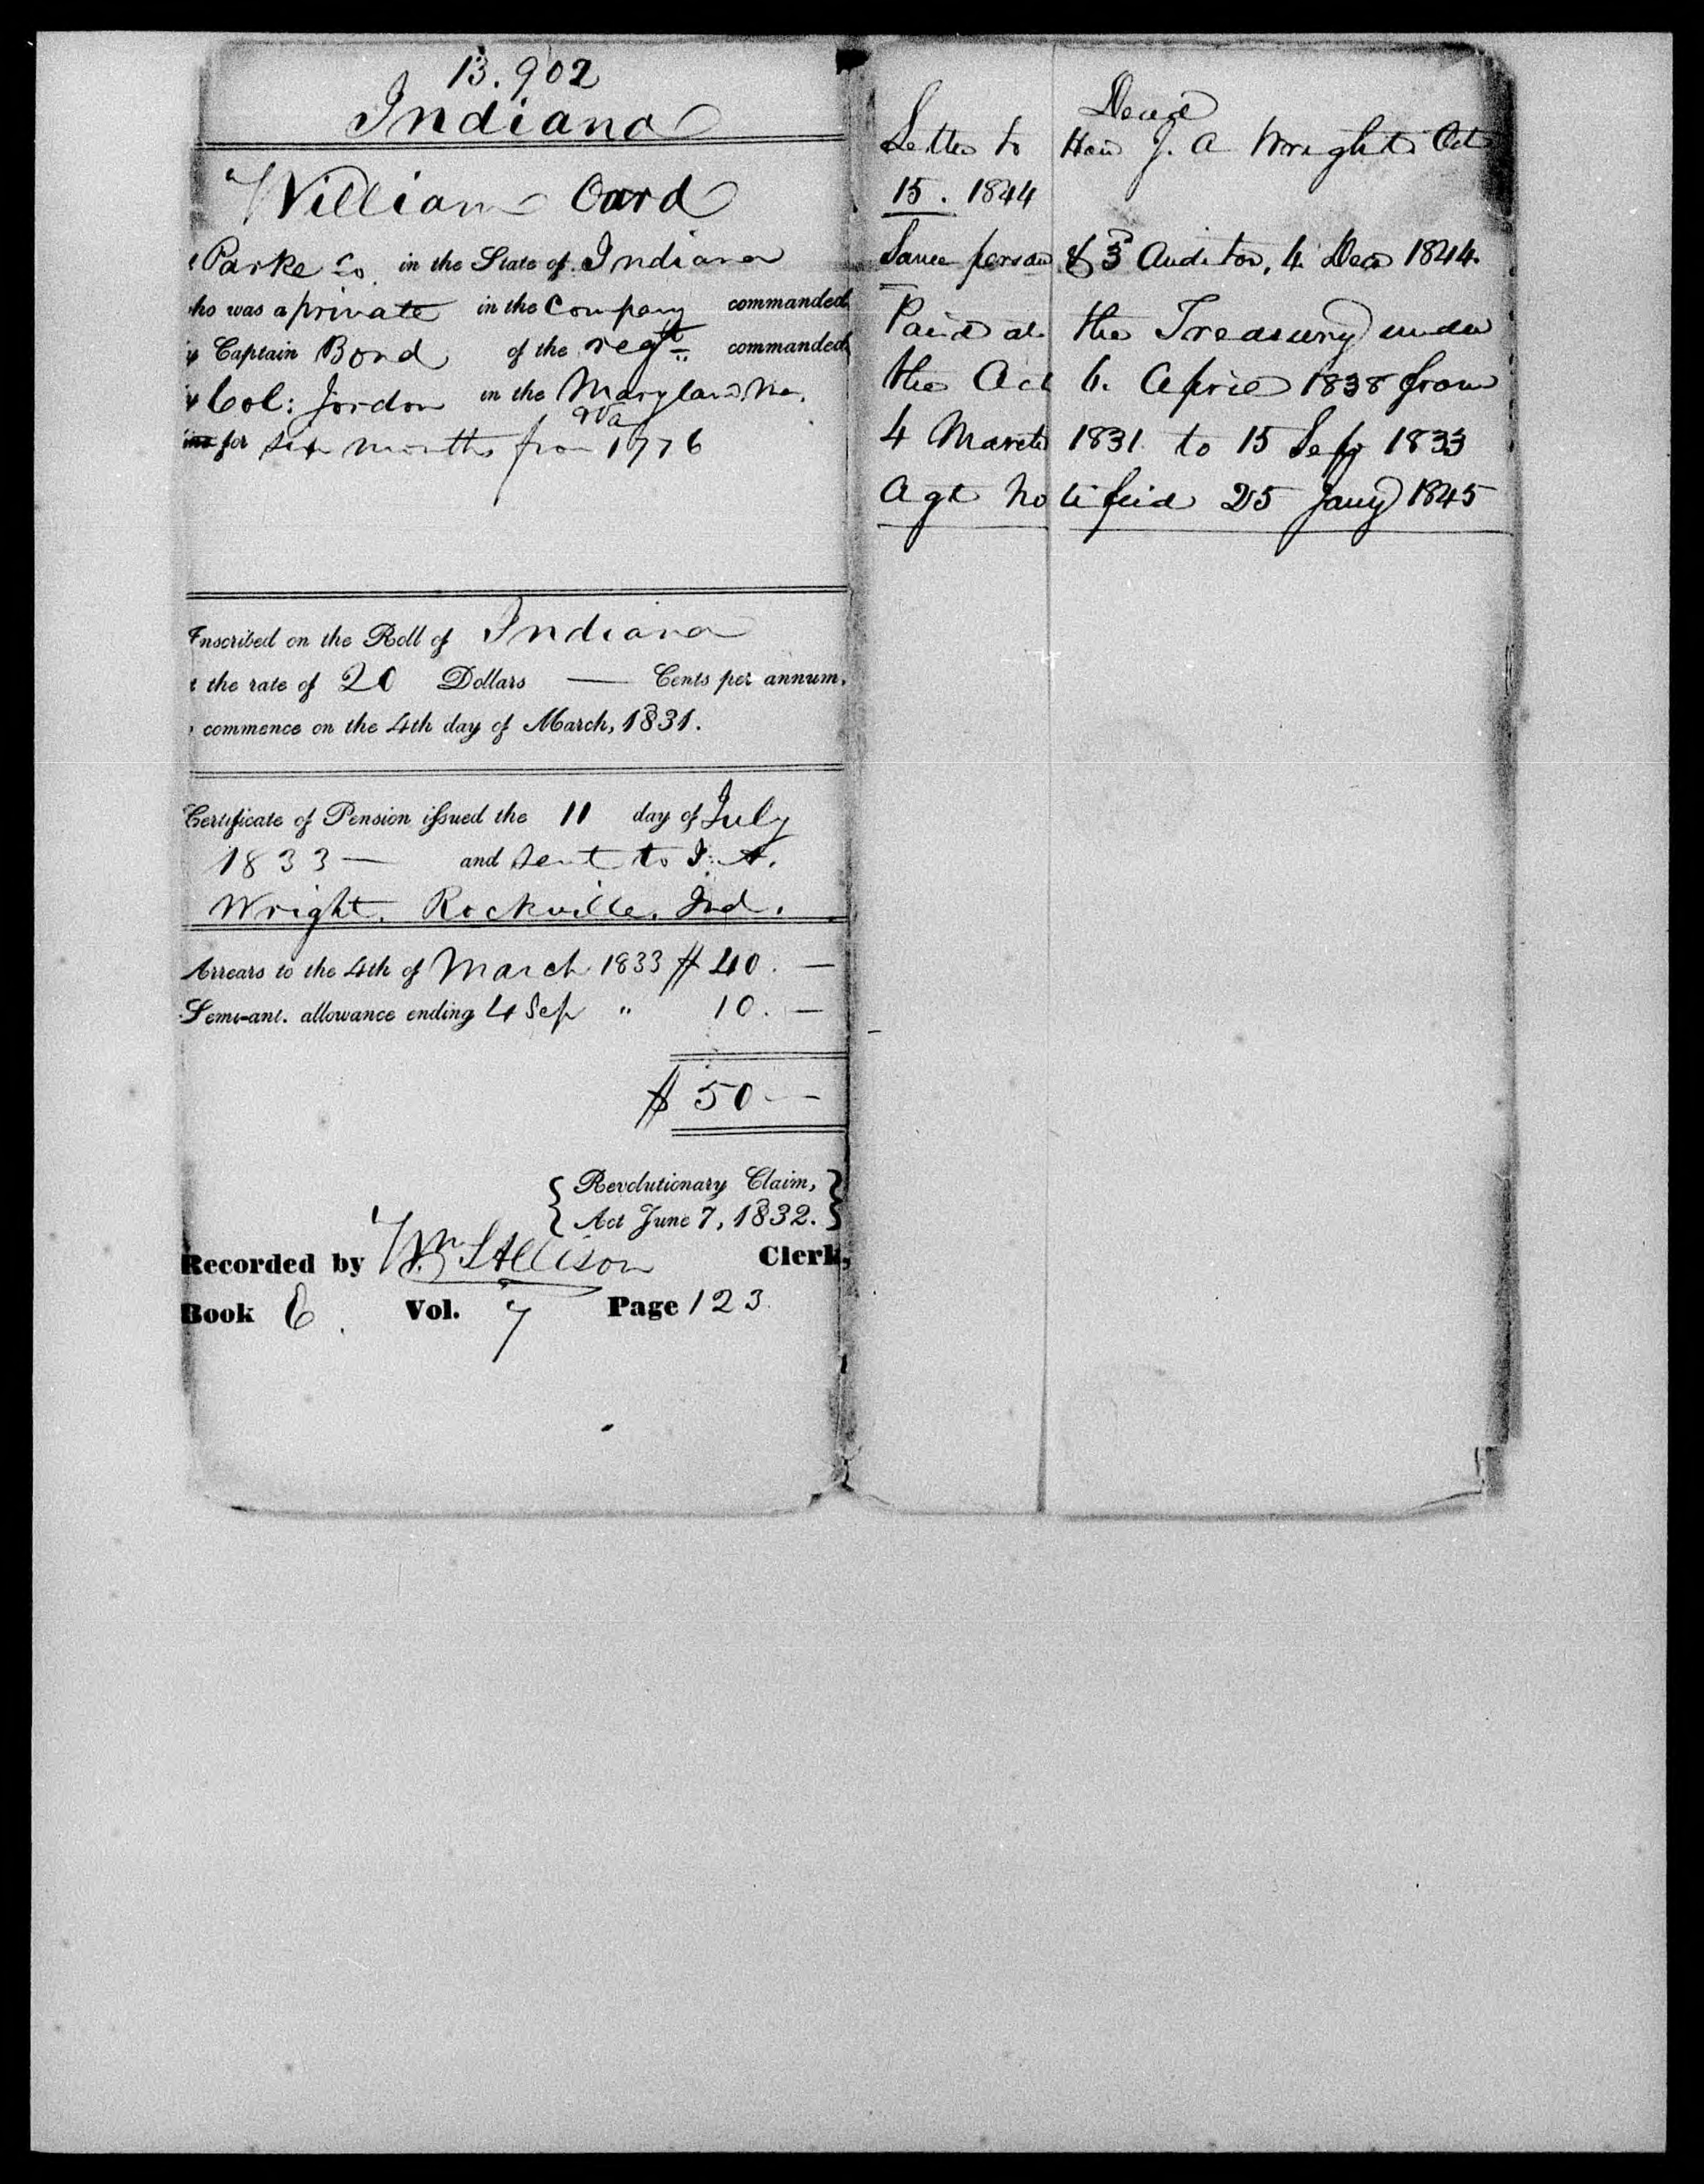Left Side Page

13902
Indiana
William Oard
of Parke Co in the state of Indiana who was a private in the company commanded by Captain Bond of the Reg't commanded by Col. Jordon in the Maryland and Va lines for six months from 1776

Inscribed on the roll of Indiana at the rate of 20 dollars blank cents per annum to commence on the 4th day of March 1831

certificate of Pension issued the 11 day of July 1833 and sent to J A Wright, Rockville, Ind.

Arrears to the 4th of March 1833 $40.00
Semi-anl allowance ending 4 Sep 1833 $10.00
$50.00

{Revolutionary Claim Act June 7, 1832}

Recorded by Wm. S Allison Clerk
Book 6 Vol 7 page 123

Right Side Page

Dead
Letter to Hon J A Wright Oct 15, 1844
[illegible]of 3rd Auditor 4 Dec 1844
Paid at the Treasury under the act 6 April 1838 from 4 March 1831 to 15 Sept 1833
Agt notified 25 Jany 1845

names: William Oard; Wm S Allison; [BLANK] Bond; [BLANK] Jordon; J A Wright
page: 2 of 18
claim: survivor's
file: S. 16,496, for William Oard, Maryland